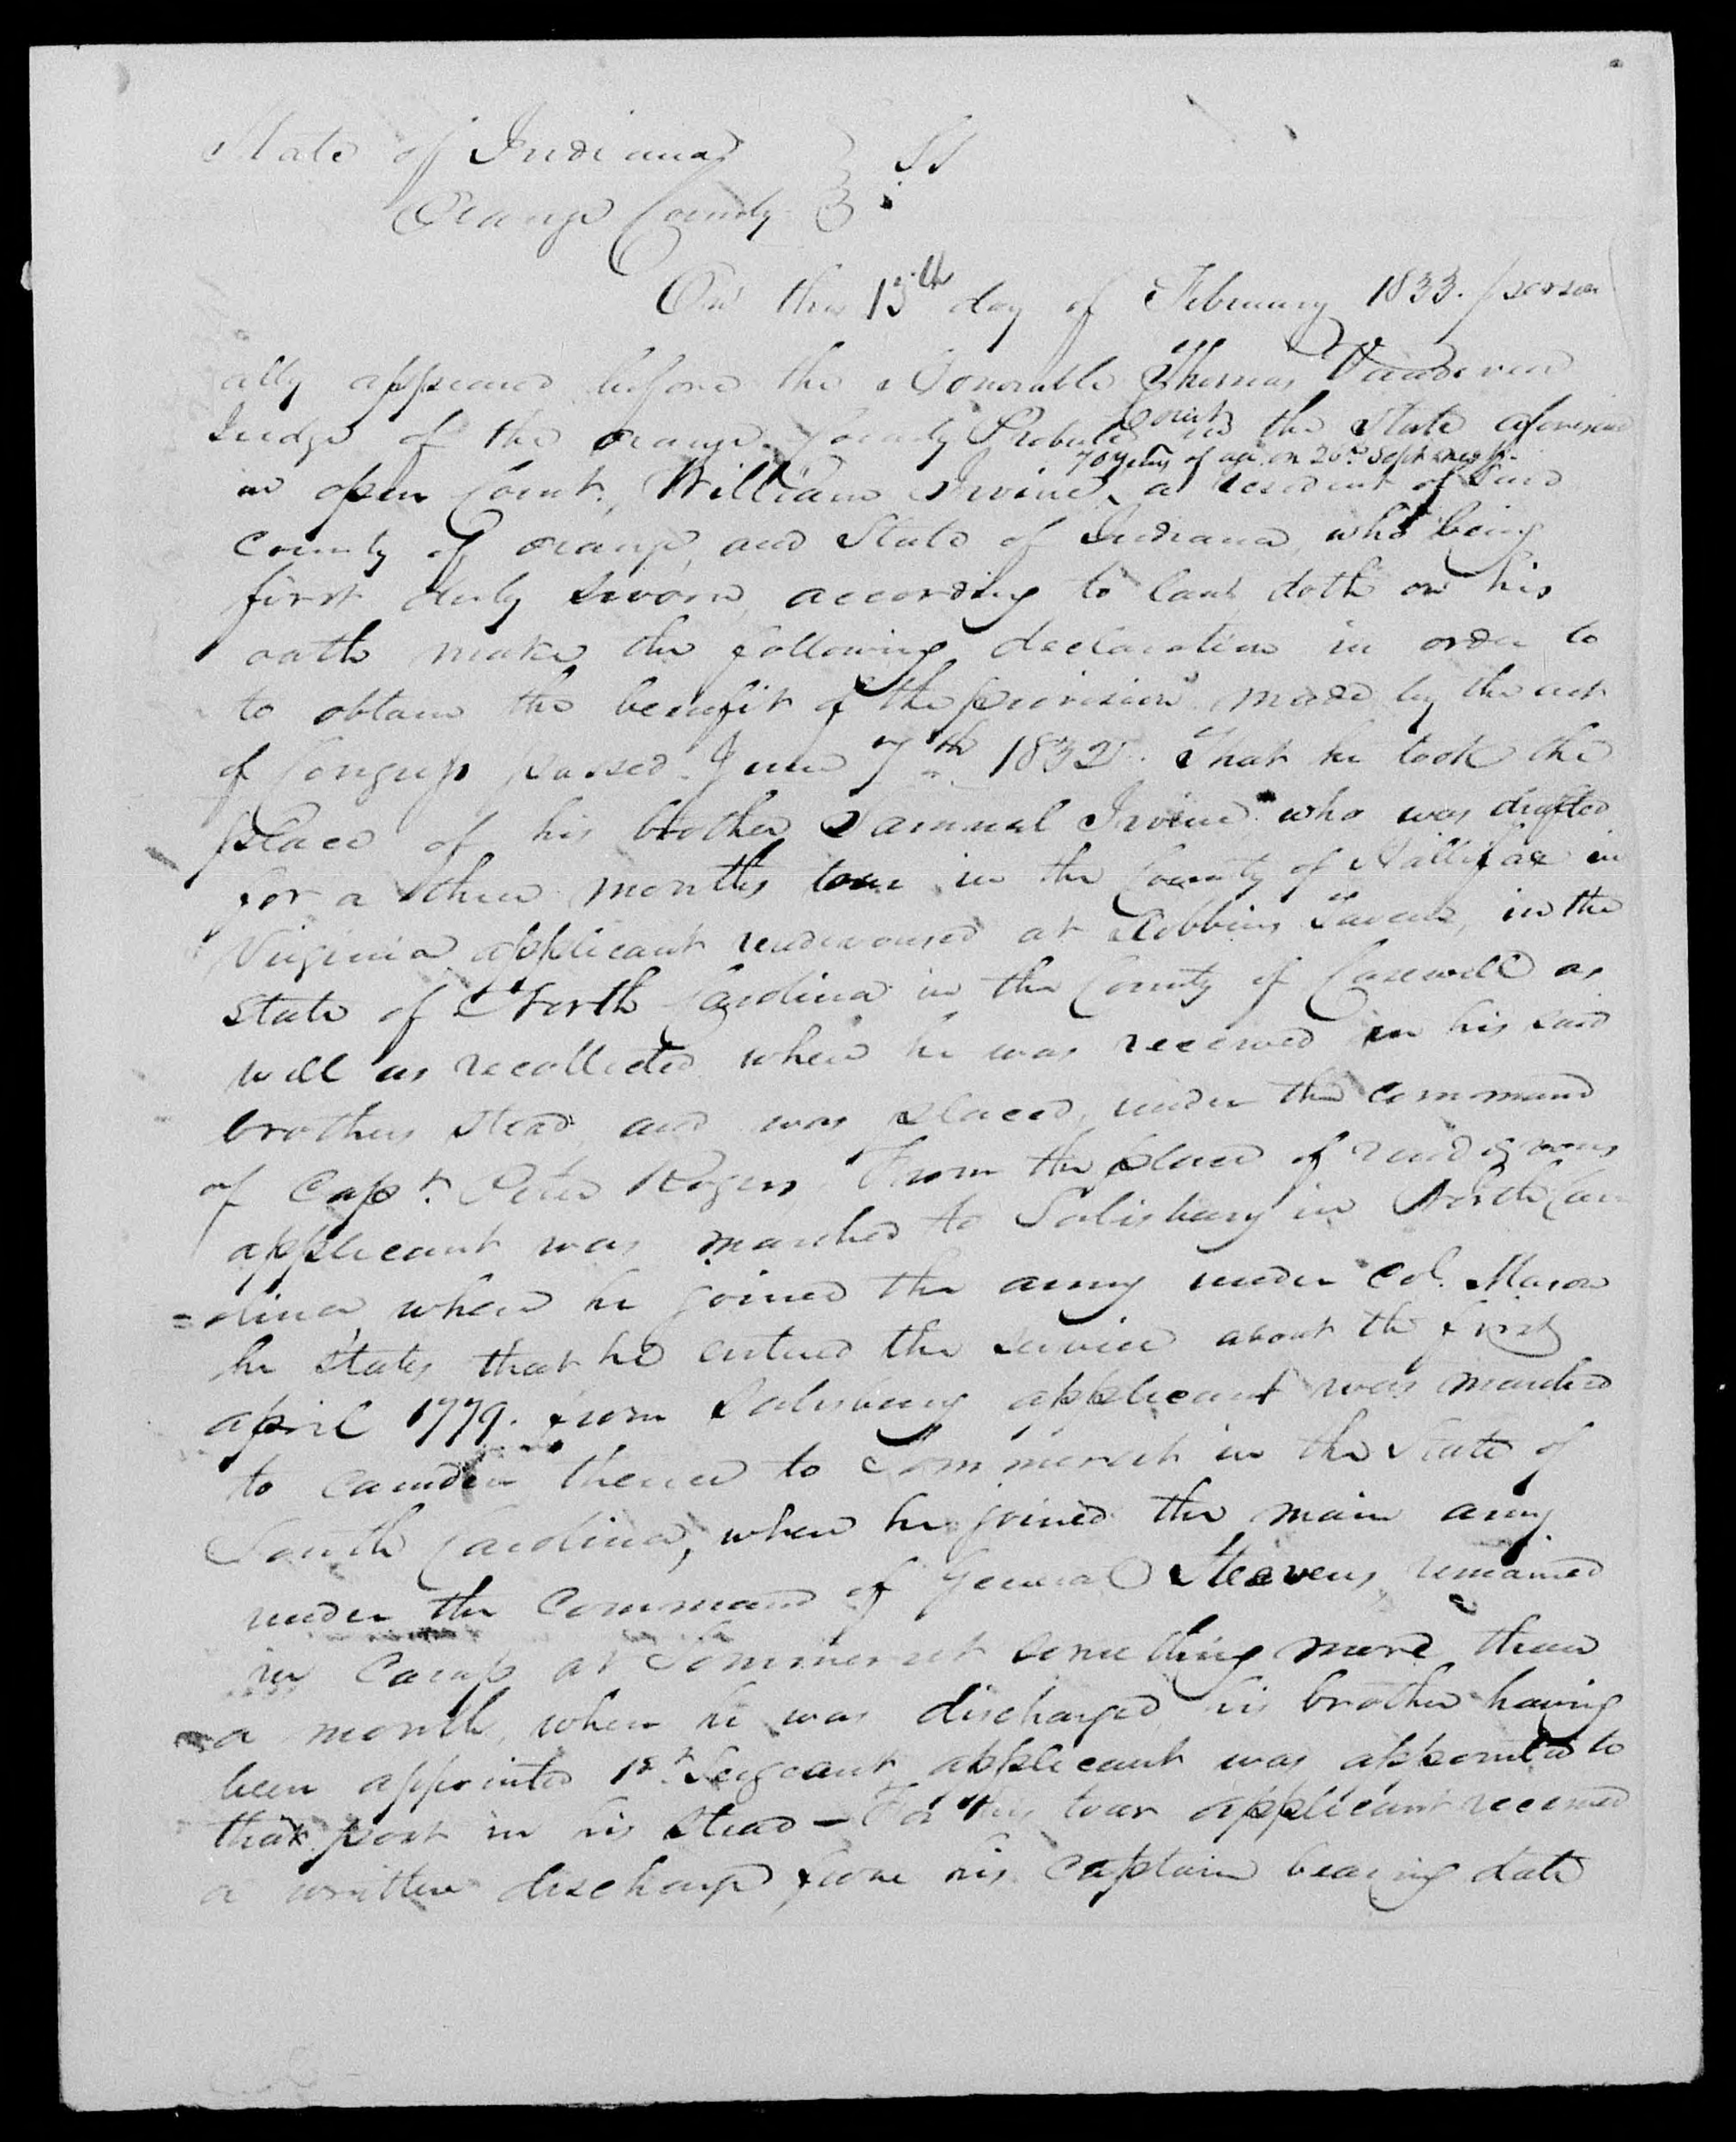State of Indiana
Orange County
On the 13th day of February 1833 personally appeared before the Honorable Thomas Vandeven Judge of the Orange County Probate Court in the State aforesaid in open Court William Irvine 76 years of age on 20 September past a resident of said County of Orange and State of Indiana, who being first duly sworn according to law doth on his oath make the following declaration in order to obtain the benefit of the provision made by the act
of Congress passed June 7th 1832. 
That he took the place of his brother Samuel Irvine, who was drafted for a three months tour in the County of Halifax in Virginia - applicant rendezvoused at Robbins Tavern, in the
State of North Carolina in the County of Caswell as well as recollected where he was received in his said brother's stead and was placed under the command of Capt Geo Rogers from - the place of rendezvous 
applicant was marched to Salisbury in North
line when- he joined the army under Col. Mason -he states that he entered the service about the first of April 1779 - from Salisbury applicant was marched to Camden and thence to [illegible] in the State of South Carolina, when he joined the main any under the command of General Stevens remained
in Camp at Somerset something more than
a month, when he was discharged, his brother having been appointed 1st Sergeant - applicant was appointed to that post in his stead - for the tour applicant received
written discharge from his captain bearing date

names: Peter Rogers; [BLANK] Mason; William Irvine; [BLANK] Steavens; Samuel Irvine; Thomas Vanderson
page: 3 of 13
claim: survivor's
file: S. 16422, for William Irvine, Virginia